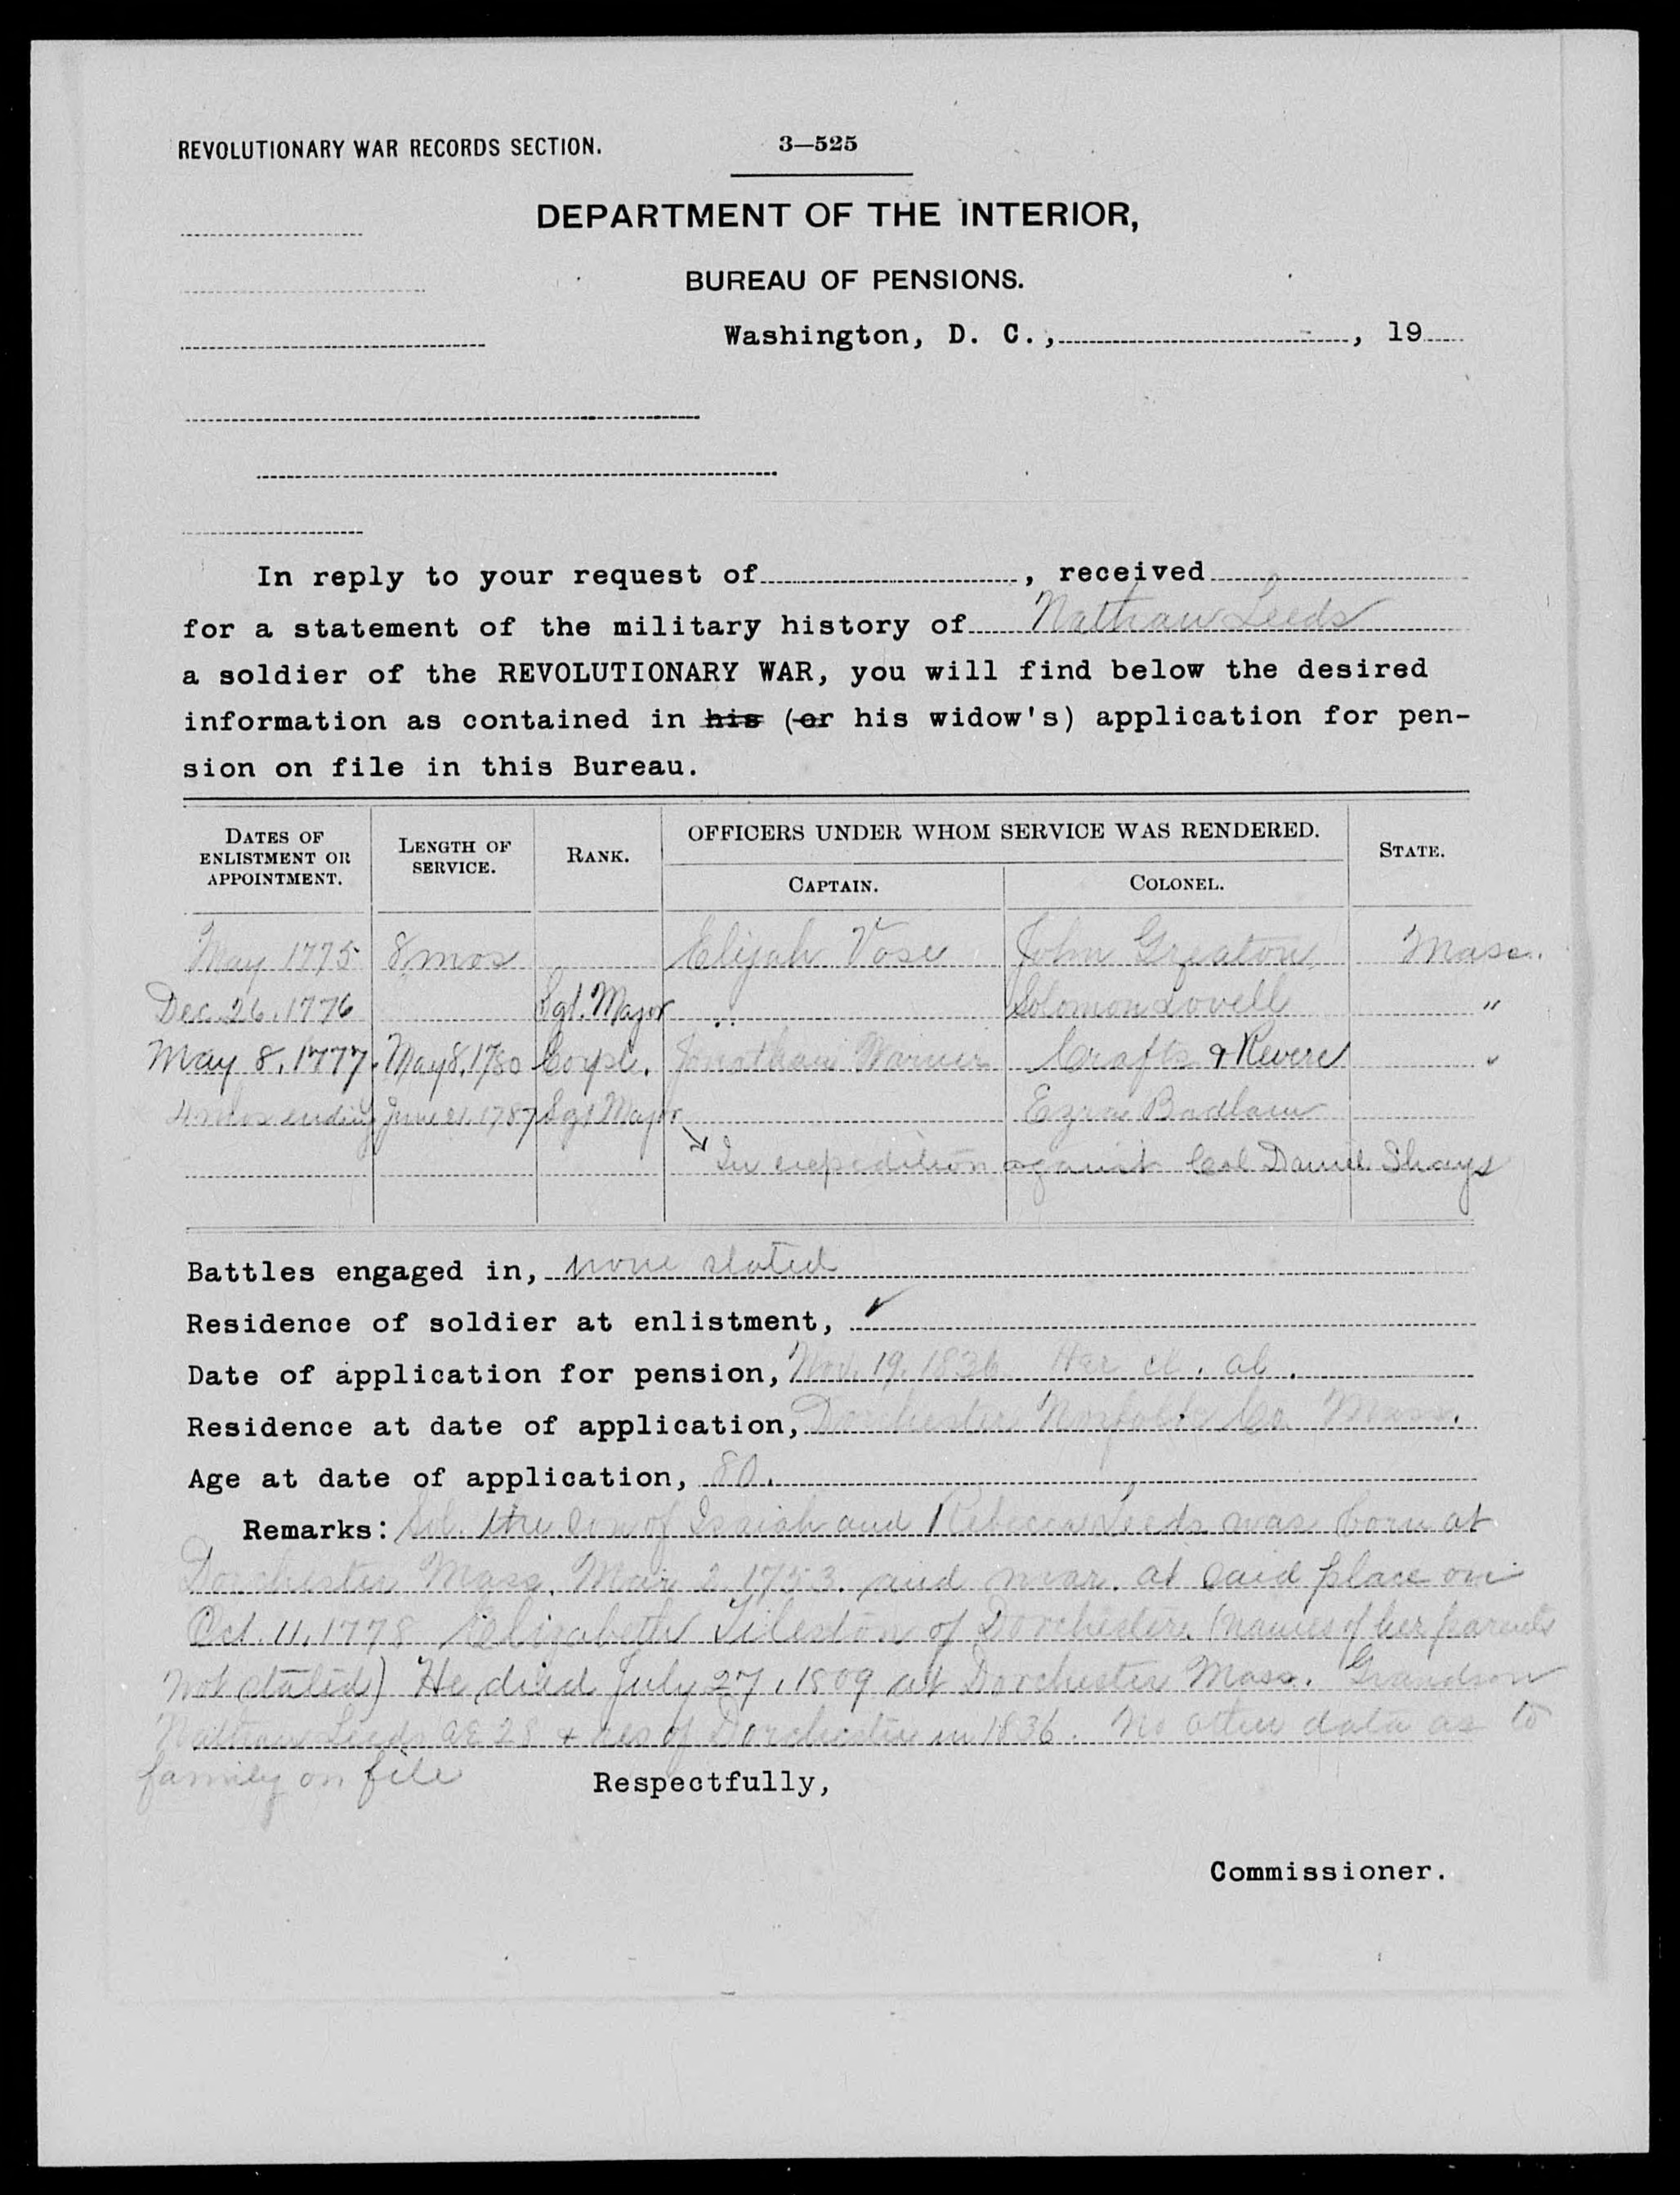REVOLUTIONARY WAR RECORDS SECTION.
3 -- 525
DEPARTMENT OF THE INTERIOR.
BUREAU OF PENSIONS.
Washington, D. C., -----19---
In reply to your request of -----, received ----
for a statement of the military history of Nathan Leeds
a soldier of the REVOLUTIONARY WAR, you will find below the desired
information as contained in [crossed out] his (or [end cross out] his widow's) application for pension on file in this Bureau.
[Table below]
DATES OF ENLISTMENT OR APPOINTMENT. | Length of Service | Rank | Officers under whom service was rendered. | State
May 1775 | 8 mos | | Captain Elijah Vose | Colonel John Greaton | Mass.
Dec 26, 1776 | | Sgt Major | | |Colonel Solomon Lovell | Mass.
May 8, 1777 | May 8, 1780 | Corpl | Captain Jonathan Warner | Colonel Crafts & Revere | Mass.
4 mos ending | June 21, 1787 | Sgt Major | In expedition against Col Daniel Shays | Colonel Ezra Badlam | Mass.

Battles engaged in, none stated
Residence of soldier at enlistment, [blank]
Date of application for pension, Nov 19, 1836  Her cl. al.
Residence at date of application, Dorchester Norfolk Co Mass.
Age at date of application, 80

Remarks: Sol. the son of Isaiah and Rebecca Leeds was born at
Dorchester Mass. Mar 2 1753. and mar. at said place on Oct. 11, 1778 Elizabeth Tileston of Dorchester. (names of her parents
not stated) He died July 27, 1809 at Dorchester Mass. Grandson
Nathan Leeds age 28 & res of Dorchester in 1836. No other data as to
family on file
Respectfully,
Commissioner.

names: Ezra Badlam; [BLANK] Crafts; Daniel Shays; John Greaton; Elizabeth Tileston; Rebecca Leeds; Solomon Lovell; [BLANK] Revere; Jonathan Warner; Elijah Vose; Nathan Leeds; Isaiah Leeds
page: 10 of 33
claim: widow's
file: W. 21,567, for Nathan Leeds, Massachusetts